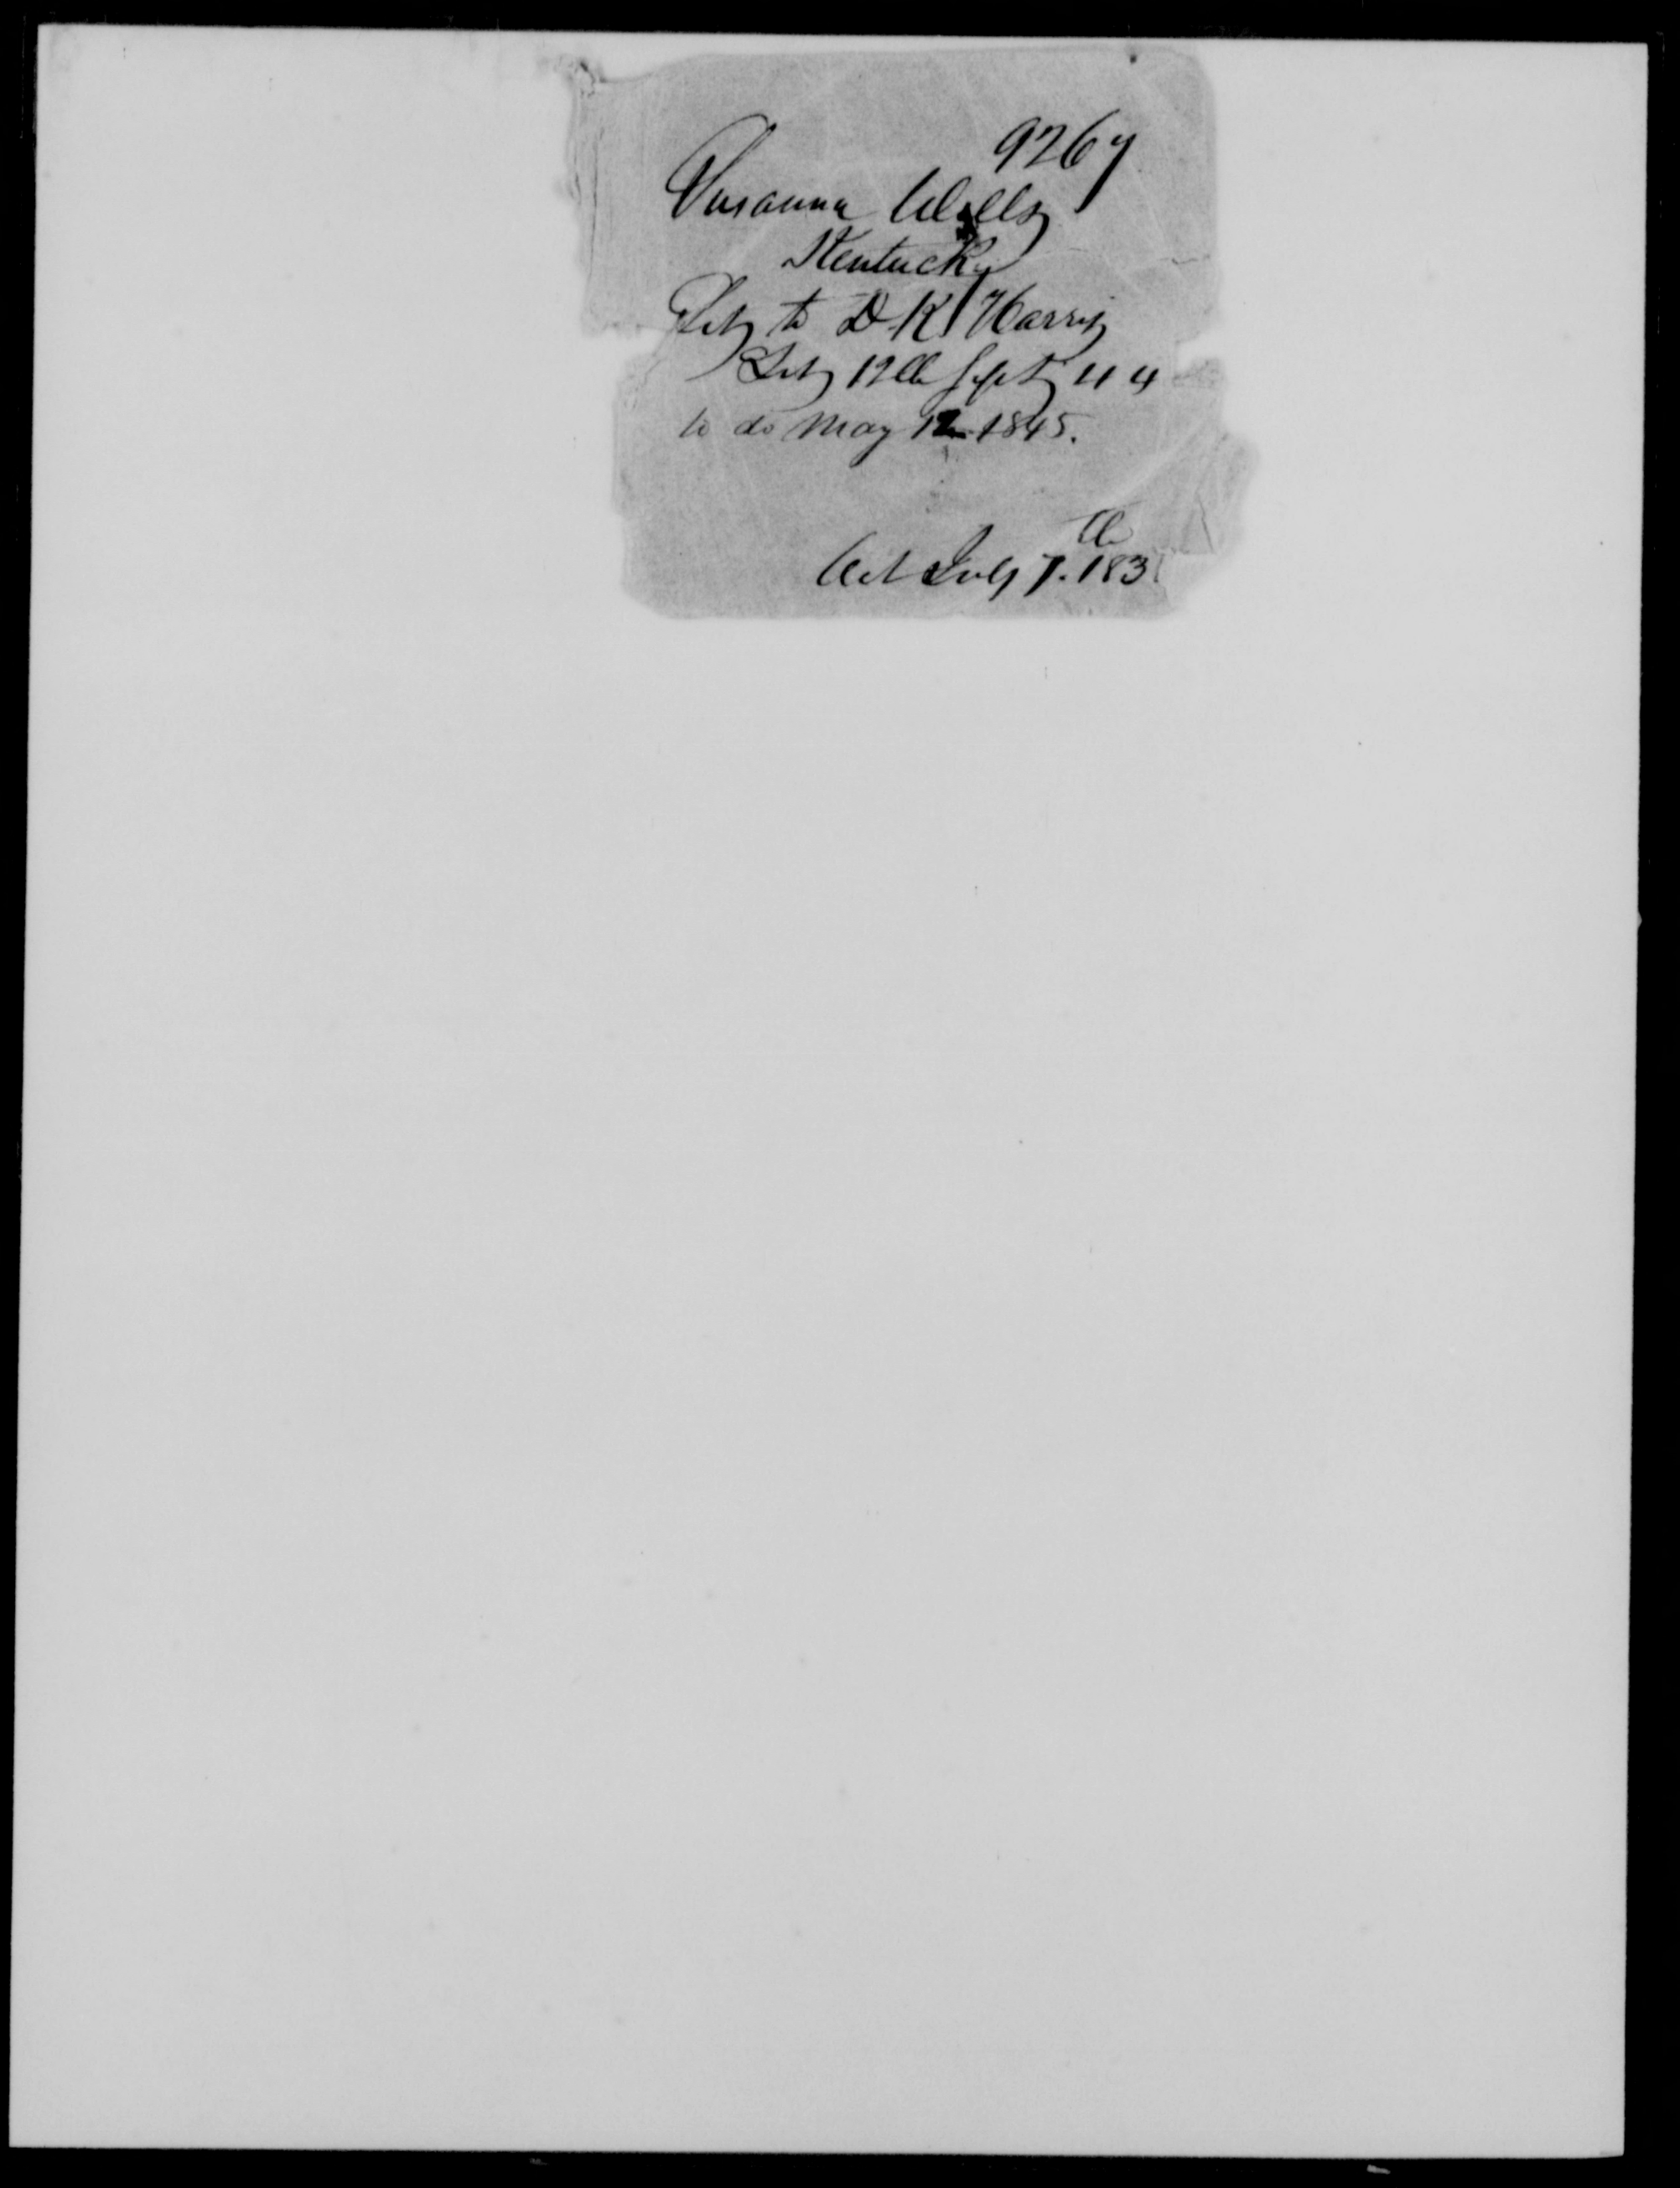9267
Susanna Wels
Kentucky

[Sent] to D K Harris

[Act?] 12th Sept 44
to do May 12 1845

Act July 7th 183[8]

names: D K Harris, Susanna Wells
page: 54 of 100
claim: widow's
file: W. 6437, Richard Wells, Ga Va.